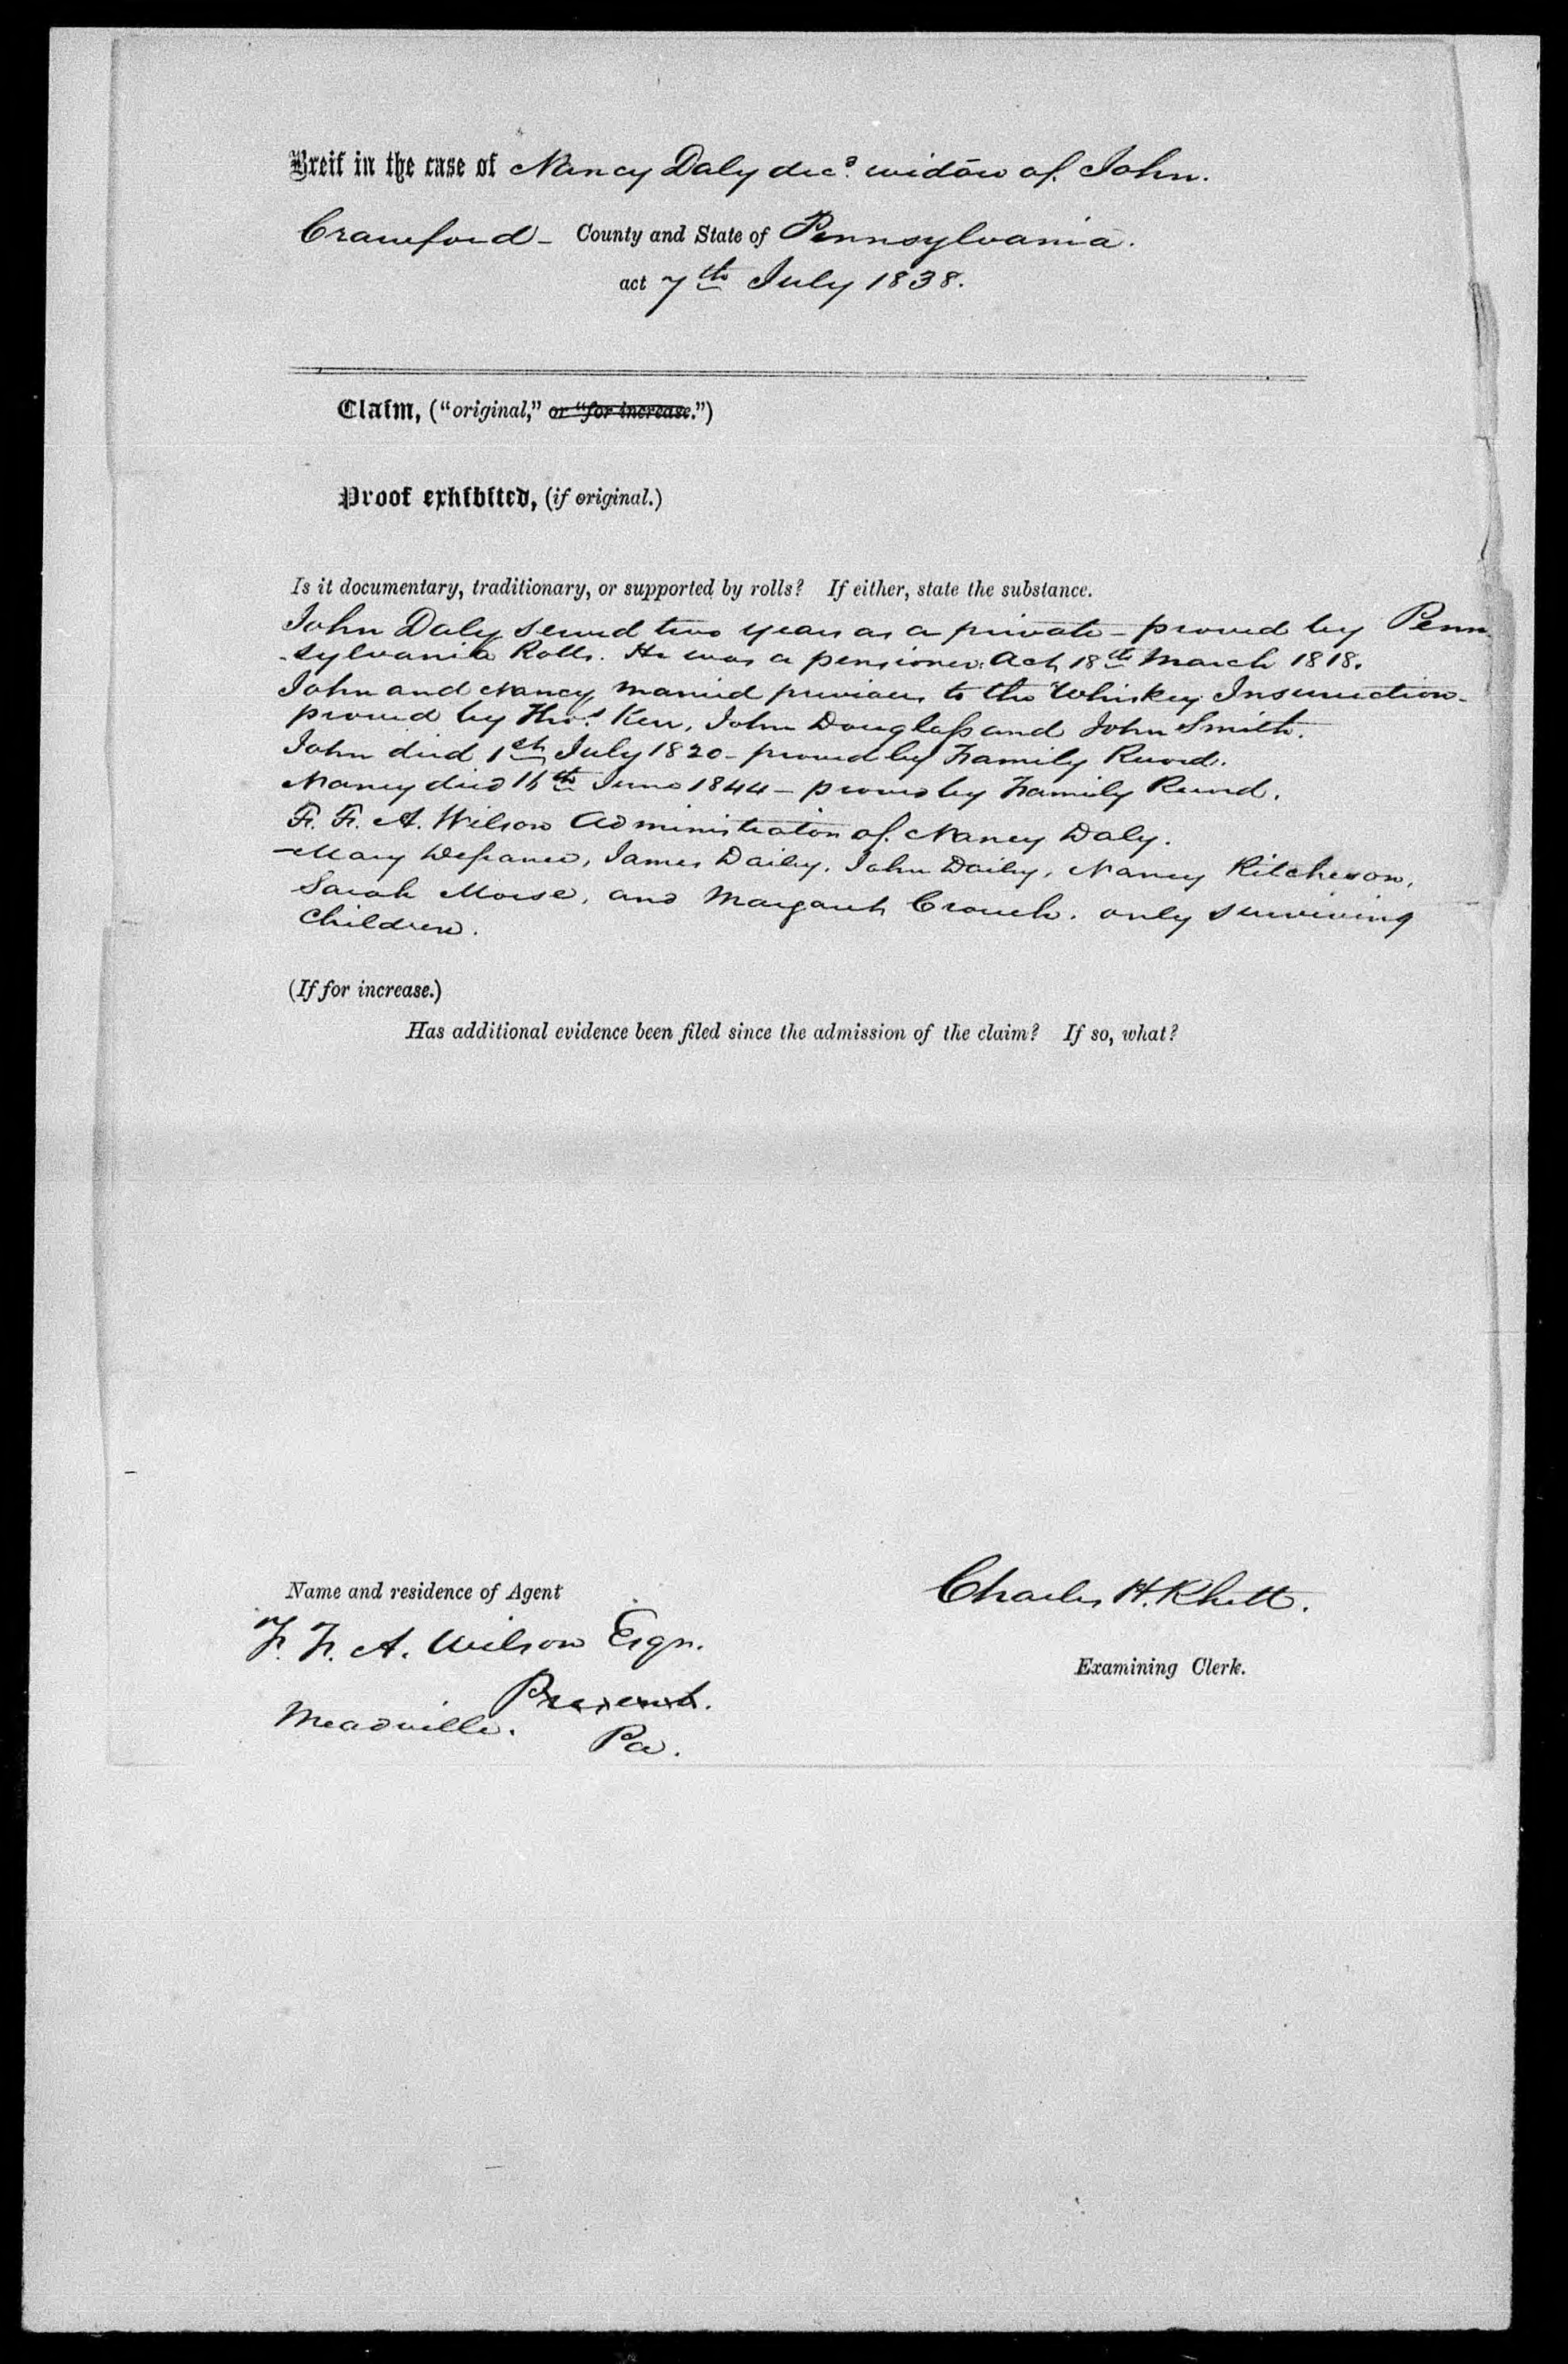Breif in the case of Nancy Duly decd widow of John.  Crawford County and State of Pennsylvania.  act 7th July 1838

Claim, (original, or for increase [crossed out])
Proof exhibited, (if original)
Is it documentary, traditionary, or supported by rolls? If either, state the substance.

John Daly served two years as a private proved by Pennsylvania Rolls.  He was a pensioner Act 18th March 1818.

John and Nancy married previous to the Whiskey Insurrection, proved by Thos Kerr, John Douglass and John Smith.

John died 1st July 1820, proved by Family Record. Nancy died 16th June 1844, proved by Family Record

F.F.A. Wilson Administrator of Nancy Daly

Mary Defrance, James Dailey, John Daily, Nancy Ritcheson, Sarah Morse, and Margaret Crouch, only surviving children.

(If for increase.)
Has additional evidence been filed since the admission of the claim? If so, what?

Name and residence of Agent
F.F.A. Wilson Esqr.
Meadville Present [crossed out] 
Pa

Charles H. Rhett
Examining Clerk.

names: Nancy Daly, Charles H Rhett, John Smith, John Daly, Mary Defrance, Margaret Crouch, Nancy, John Douglass, Thos Kerr, F F A Wilson, John, John Dailey, Nancy Daly, Nancy Ritcheson, John, Nancy, F F A Wilson, Sarah Morse, James Dailey, John Daly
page: 37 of 63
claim: widow's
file: W. 3228, John Daly, Penn.